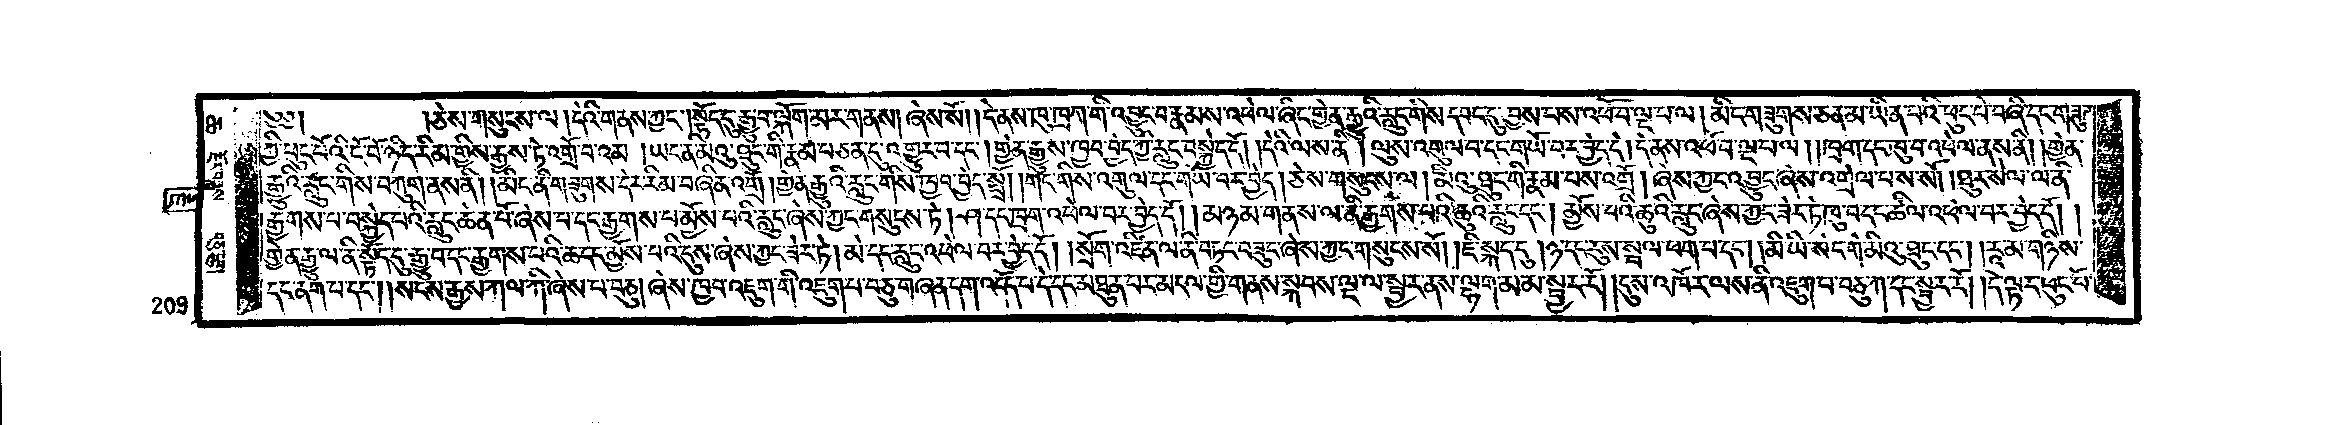༄༅། །ཅེས་གསུངས་ལ། དེའི་གནས་ཀྱང་། སྟོད་དུ་རྒྱུ་བ་ལྐོག་མར་གནས། ཞེས་སོ། །དེ་ནས་ཁུ་ཁྲག་གི་འབྱུང་བ་རྣམས་འཕེལ་ཞིང་གྱེན་རྒྱུའི་རླུང་གིས་དབང་དུ་བྱས་པས་འཕོ་བ་ལྔ་པ་ལ། མིང་གཟུགས་ཅན་མ་ཡིན་པའི་ཕུང་པོ་བཞི་དང་གཟུགས་
ཀྱི་ཕུང་པོའི་ངོ་བོ་ཉིད་རིམ་གྱིས་རྒྱས་ཏེ་འགྲོ་བ་འམ། ཡང་ན་མིའུ་ཐུང་གི་རྣམ་པ་ཅན་དུ་འགྱུར་བ་དང་། གྱེན་རྒྱས་ཁྱབ་བྱེད་ཀྱི་རླུང་བསྐྱེད་དོ། །དེའི་ལས་ནི། ལུས་འགུལ་བ་དང་གཡོ་བར་བྱེད་དོ། དེ་ནས་འཕོ་བ་ལྔ་པ་ལ། །ཁྲག་དང་ཁུ་བ་འཕེལ་ནས་ནི། །གྱེན་
རྒྱུའི་རླུང་གིས་བཀུག་ནས་ནི། །མིང་ནི་གཟུགས་དེར་རིམ་བཞིན་འགྲོ། གྱེན་རྒྱུའི་རླུང་གིས་ཁྱབ་བྱེད་སྤྲོ། །གང་གིས་འགུལ་དང་གཡོ་བར་བྱེད། ཅེས་གསུངས་ལ། མིའུ་ཐུང་གི་རྣམ་པས་འགྲོ། ཞེས་ཀྱང་འབྱུང་ཞེས་འགྲེལ་པས་སོ། །ཐུར་སེལ་ལ་ནི་
རྒྱགས་པ་བསྐྱེད་པའི་རླུང་ཆེན་པོ་ཞེས་པ་དང་རྒྱགས་པ་མྱོས་པའི་རླུང་ཞེས་ཀྱང་གསུངས་ཏེ། ཤ་དང་ཁྲག་འཕེལ་བར་བྱེད་དོ། །མཉམ་གནས་ལ་ནི་རྐྱགས་པའི་ཆུའི་རླུང་དང་། མྱོས་པའི་ཆུའི་རླུང་ཞེས་ཀྱང་ཟེར་ཏེ་ཁུ་བ་དང་ཚིལ་འཕེལ་བར་བྱེད་དོ། །
གྱེན་རྒྱུ་ལ་ནི་སྟོད་དུ་རྒྱུ་བ་དང་རྒྱགས་པའི་ཆ་དང་མྱོས་པའི་དུས་ཞེས་ཀྱང་ཟེར་ཏེ། མེ་དང་རླུང་འཕེལ་བར་བྱེད་དོ། །སྲོག་འཛིན་ལ་ནི་བཏང་བཟུང་ཞེས་ཀྱང་གསུངས་སོ། །ཇི་སྐད་དུ། ཉ་དང་རུས་སྦལ་ཕག་པ་དང་། །མི་ཡི་སེང་གེ་མིའུ་ཐུང་དང་། །རཱ་མ་གཉིས་
དང་ནག་པ་དང་། །སངས་རྒྱས་ཀལ་ཀི་ཞེས་པ་བཅུ། ཞེས་ཁྱབ་འཇུག་གི་འཇུག་པ་བཅུ་གཞན་དག་འདོད་པ་དེ་དང་མཐུན་པར་མངལ་གྱི་གནས་སྐབས་ལྔ་ལ་སྦྱར་ནས་ལྷག་མ་མ་སྦྱར་རོ། །དུས་འཁོར་ལས་ནི་འཇུག་པ་བཅུ་ཀ་དང་སྦྱར་རོ། །དེ་ལྟར་ཕུང་པོ་